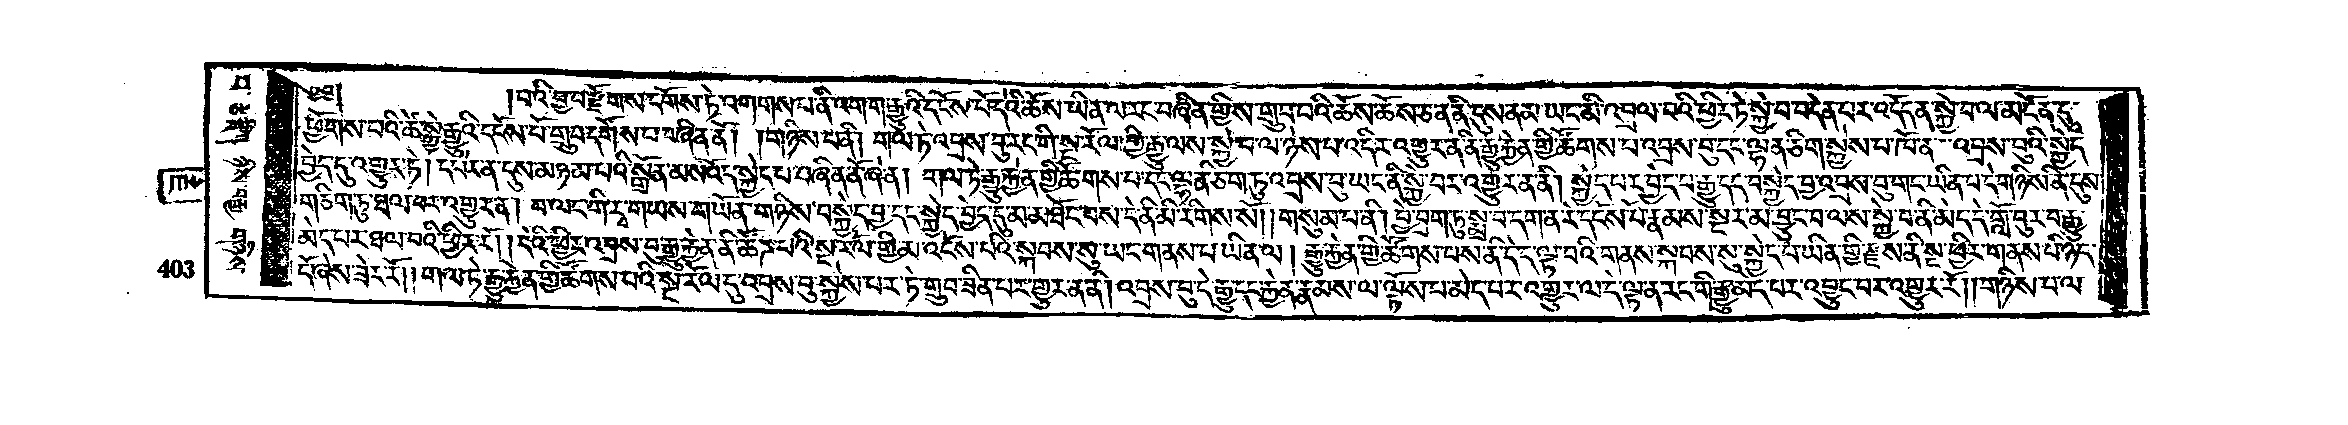༄༅། །པའི་བྱ་བ་རྫོགས་དགོས་ཏེ་འགགས་པ་ནི་འགག་རྒྱུའི་དངོས་པོ་དེའི་ཆོས་ཡིན་ལ་རང་བཞིན་གྱིས་གྲུབ་པའི་ཆོས་ཆེས་ཅན་ནི་དུས་ནམ་ཡང་མི་འབྲལ་བའི་ཕྱིར་ཏེ་སྐྱེ་བ་བདེན་པར་འདོད་ན་སྐྱེ་བ་ལ་མངོན་དུ་
ཕྱོགས་པའི་ཚེ་སྐྱེ་རྒྱུའི་དངོས་པོ་གྲུབ་དགོས་པ་བཞིན་ནོ། །གཉིས་པ་ནི། གལ་ཏེ་འབྲས་བུ་རང་གི་སྔ་རོལ་གྱི་རྒྱུ་ལས་སྐྱེ་བ་ལ་ཉེས་པ་འདིར་འགྱུར་ན་ནི་རྒྱུ་རྐྱེན་གྱི་ཚོགས་པ་འབྲས་བུ་དང་ལྷན་ཅིག་སྐྱེས་པ་ཁོ་ན་འབྲས་བུའི་སྐྱེད་
བྱེད་དུ་འགྱུར་ཏེ། དཔེར་ན་དུས་མཉམ་པའི་སྒྲོན་མས་འོད་སྐྱེད་པ་བཞིན་ནོ་ཞེ་ན། གལ་ཏེ་རྒྱུ་རྐྱེན་གྱི་ཚོགས་པ་དང་ལྷན་ཅིག་ཏུ་འབྲས་བུ་ཡང་ནི་སྐྱེ་བར་འགྱུར་ན་ནི། སྐྱེད་པར་བྱེད་པ་རྒྱུ་དང་བསྐྱེད་བྱ་འབྲས་བུ་གང་ཡིན་པ་དེ་གཉི་ནི་དུས་
གཅིག་ཏུ་ཐལ་བར་འགྱུར་ན། བ་ལང་གི་རྭ་གཡས་གཡོན་གཉིས་བསྐྱེད་བྱ་དང་སྐྱེད་བྱེད་དུ་མ་མཐོང་བས་དེ་ནི་མི་རིགས་སོ། །གསུམ་པ་ནི། བྱེ་བྲག་ཏུ་སྨྲ་བ་དག་ན་རེ་དངོས་པོ་རྣམས་སྔར་མ་བྱུང་བ་ལས་སྐྱེ་བ་ནི་མེད་དེ་གློ་བུར་བ་རྒྱུ་
མེད་པར་ཐལ་བའི་ཕྱིར་རོ། །དེའི་ཕྱིར་འབྲས་བུ་རྒྱུ་རྐྱེན་ནི་ཚོར་བའི་སྔ་རོ་གྱི་མ་འོངས་པའི་སྐབས་སུ་ཡང་གས་པ་ཡིན་ཡིན་ལ། རྒྱུ་རྐྱེན་གྱི་ཚོགས་པས་ནི་དེ་ད་ལྟ་བའི་གནས་སྐབས་སུ་སྐྱེད་པ་ཡིན་གྱི་རྫས་ནི་སྔ་ཕྱིར་གནས་པ་ཉིད་
དོ་ཞེས་ཟེར་རོ། །གལ་ཏེ་རྒྱུ་རྐྱེན་གྱི་ཚོགས་པའི་སྔ་རོལ་དུ་འབྲས་བུ་སྐྱེས་པར་ཏེ་གྲུབ་ཟིན་པར་གྱུར་ན་ནི། འབྲས་བུ་དེ་རྒྱུ་དང་རྐྱེན་རྣམས་ལ་ལྟོས་པ་མེད་པར་འགྱུར་ལ་དེ་ལྟ་ན་རང་གི་རྒྱུ་མེད་པར་འབྱུང་བར་འགྱུར་རོ། །གཉིས་པ་ལ་